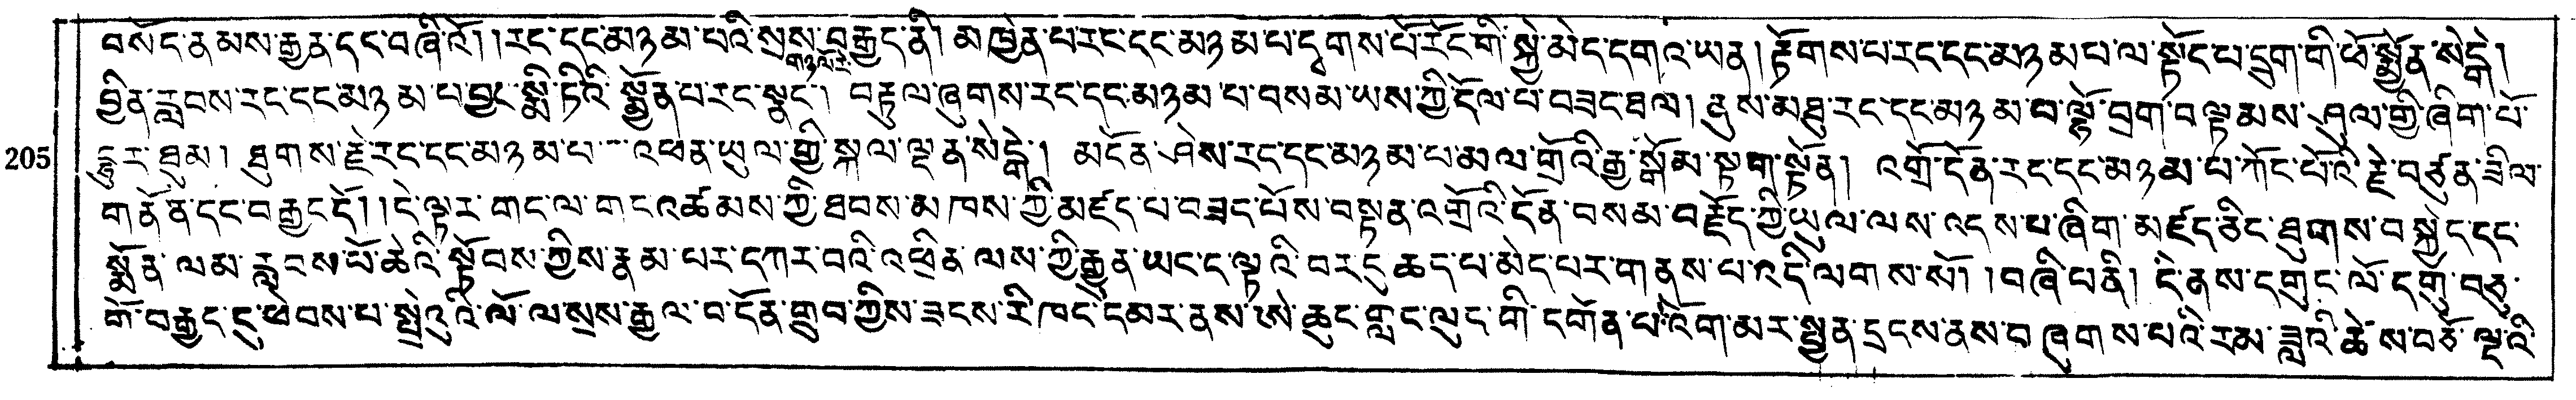བསོད་ནམས་རྒྱན་དང་བཞིའོ། །རང་དང་མཉམ་པའི་སྲས་གཉལོ་རེ་?་བརྒྱད་ནི། མཁྱེན་པ་རང་དང་མཉམ་པ་དྭགས་པོ་རོང་གི་སྐྱེ་མེད་དགའ་ཡན། རྟོགས་པ་རང་དང་མཉམ་པ་ལ་སྟོང་པ་དྲུག་གི་ཕོ་སྨྱོན་སེངྒེ།
བྱིན་རླབས་རང་དང་མཉམ་པ་བྱང་སྨི་ཏིའི་སྨྱོན་པ་རང་སྣང་། བརྟུལ་ཞུགས་རང་དང་མཉམ་པ་བསམ་ཡས་ཀྱི་དོལ་པ་བཟང་ཐལ། ནུས་མཐུ་རང་དང་མཉམ་པ་ལྷོ་བྲག་བལྟམས་ཤུལ་གྱི་ཞིག་པོ་
དྷུར་ཐུམ། ཐུགས་རྗེ་རང་དང་མཉམ་པ་འཕན་ཡུལ་གྱི་སྐལ་ལྡན་སེངྒེ། མངོན་ཤེས་རང་དང་མཉམ་པ་མ་ལ་གྲོའི་རྒྱ་སྒོམ་སྟག་སྟོན། འགྲོ་དོན་རང་དང་མཉམ་པ་ཀོང་པོའི་རྗེ་བཙུན་ཟིལ་
གནོན་དང་བརྒྱད་དོ། །དེ་ལྟར་གང་ལ་གང་འཚམས་ཀྱི་ཐབས་མཁས་ཀྱི་མཛད་པ་བཟང་པོས་བསྟན་འགྲོའི་དོན་བསམ་བརྗོད་ཀྱི་ཡུལ་ལས་འདས་པ་ཞིག་མཛད་ཅིང་ཐུགས་བསྐྱེད་དང་
སྨོན་ལམ་རླབས་པོ་ཆེའི་སྟོབས་ཀྱིས་རྣམ་པར་དཀར་བའི་འཕྲིན་ལས་ཀྱི་རྒྱུན་ཡང་ད་ལྟའི་བར་དུ་ཆད་པ་མེད་པར་གནས་པ་འདི་ལགས་སོ། །བཞི་པ་ནི། དེ་ནས་དགུང་ལོ་དགུ་བཅུ་
གོ་བརྒྱད་དུ་ཕེབས་པ་སྤྲེའུའི་ལོ་ལ་སྲས་རྒྱལ་བ་དོན་གྲུབ་ཀྱིས་ཟངས་རི་ཁང་དམར་ནས་ཨེ་ཆུང་གླང་ལུང་གི་དགོན་པ་འོག་མར་སྤྱན་དྲངས་ནས་བཞུགས་པའི་རམ་ཟླའི་ཚེས་བཅོ་ལྔའི་